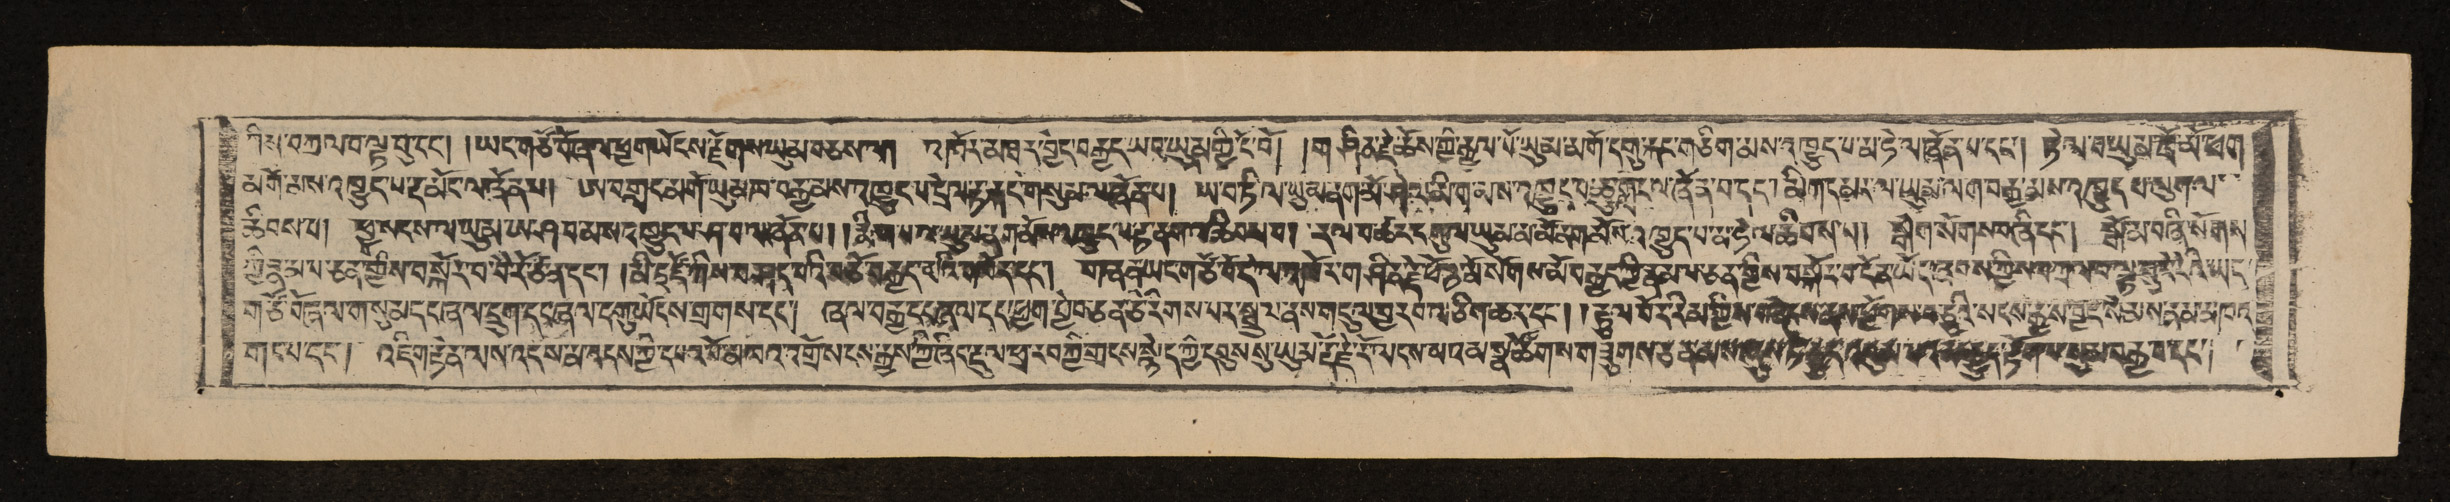ཀིས་བཀྲལ་བལྟ་བུ་དང་། ཡང་གཙོ་བོ་ཞལ་ཕྱག་ཡོངས་རྫོགས་ཡུམ་བཅས་ལ། འཁོར་མཐར་བྱེད་བརྒྱད་ཡབ་ཡུམ་གྱི་ངོ་བོ། གཤིན་རྗེ་ཆོས་ཀྱི་རྒྱལ་པོ་ཡུམ་མགོ་དགུ་རྐང་གཅིག་མས་འཁྱུད་པ་མ་ཧེལ་ཞོན་པ་དང་། ཏེལ་བ་ཡུམ་ཁྲོ་མོ་ཕག་
མགོ་མས་འཁྱུད་པ་རྡ་མོང་ལ་ཞོན་པ། ཨབ་གླང་མགོ་ཡུམ་ཁ་བརྒྱམས་འཁྱུད་པ་དྲེལ་རྟ་རྐང་གསུམ་ལ་ཞོན་པ། ཡབ་ཏིལ་ཡུམ་ནག་མོ་ཤེལ་མི་གམས་འཁྱུད་པ་ཆུ་གླང་ལ་ཞོན་པ་དང་། མིག་དམར་ལ་ཡུམ་ལག་བརྒྱ་མས་འཁྱུད་པ་ལུག་ལ་
ཆིབས་པ། ཕྱ་སངས་ལ་ཡུམ་ཨ་ཤམ་མས་འཁྱུད་པ་ཤ་བ་ལ་ཞོན་པ། རྨིག་པ་ལ་ཡུམ་ནག་མོས་འཁྱུད་པ་རྟ་ནག་ལ་ཆིབས་པ། རལ་བ་ཚར་དགུ་ལ་ཡུམ་མ་མོ་ནག་མོས་འཁྱུད་པ་མ་ཧེ་ལ་ཆིབས་པ། སྒེགས་སོགས་བཞི་དང་། སྒོམ་བཞི་སོགས་
ཀྱི་རྣམ་པ་ཅན་གྱིས་བསྐོར་བ་བཻ་རོ་ཙ་ན་དང་། མི་ཏྲ་ཛོ་ཀིས་བཤད་པའི་བཅོ་བརྒྱད་མའི་འཁོར་དང་། གཞན་ཡང་གཙོ་བོ་དེ་ལ་འཁོར་གཤིན་རྗེ་ཕོ་ཉ་མོ་སོགས་མོ་བརྒྱད་ཀྱི་རྣམ་པ་ཅན་གྱིས་བསྐོར་བ་དོན་ཡོད་ཞབས་ཀྱིས་བཀྲལ་བ་ལྟ་བུ་རེ་རེའི་ཡང་
གཙོ་བོ་ཞལ་གསུམ་དང་ཞལ་དྲུག་དང་ཞལ་དགུ་ཡོངས་གྲགས་དང་། ཞལ་བརྒྱད་བཞལ་དང་ཕྱག་བྱེ་བ་ཅན་ཅི་རིགས་པར་སྤྲུལ་ནས་གདུལ་བྱ་རབ་ལ་ཅིག་ཆར་དང་། རྟུལ་བོར་རིམ་གྱིས་བཞེངས་ནས་ཕྱོགས་བཅུའི་སངས་རྒྱས་བྱང་སེམས་ནམ་མཁའ་
གང་བ་དང་། འཇིག་རྟེན་ལས་འདས་མ་འདས་ཀྱི་དཔའ་བོ་མཁའ་འགྲོ་སངས་རྒྱས་ཀྱི་ཞིང་རྡུལ་ཕྲ་རབ་ཀྱི་གྲངས་སྙེད་ཀྱི་དབུས་སུ་ཡུམ་རྡོ་རྗེ་རོ་ལངས་མའམ་རྣ་ཚོགས་གཟུགས་ཅན་མས་ཞུས་ཏེ་རྒྱུད་འབུམ་པའམ་རྒྱུད་རྟོག་པ་སུམ་བརྒྱ་བ་དང་།